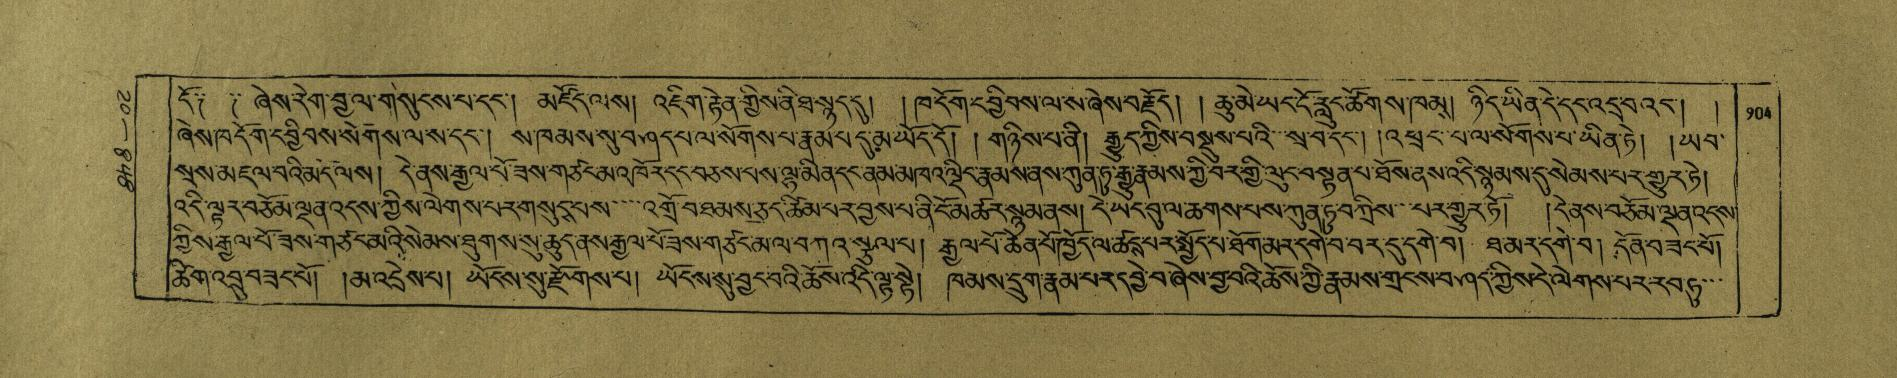དོ༑ ༑ཞེས་རེག་བྱ་ལ་གསུངས་པ་དང་། མཛོད་ལས། འཇིག་རྟེན་གྱིས་ནི་ཐ་སྙད་དུ། །ཁ་དོག་དབྱིབས་ལ་ས་ཞེས་བརྗོད། །ཆུ་མེ་ཡང་ངོ་རླུང་ཚོགས་ཁམས། ཉིད་ཡིན་དེ་དང་འདྲ་བའང་། །
ཞེས་ཁ་དོག་དབྱིབས་སོགས་ལ་ས་དང་། ས་ཁམས་སུ་བཤད་པ་ལ་སོགས་པ་རྣམ་པ་དུ་མ་ཡོད་དོ། །གཉིས་པ་ནི། རྒྱུད་ཀྱིས་བསྡུས་པའི་སྲ་བ་དང་། །འཕྲང་པ་ལ་སོགས་པ་ཡིན་ཏེ། །ཡབ་
སྲས་མཇལ་བའི་མདོ་ལས། དེ་ནས་རྒྱལ་པོ་ཟས་གཙང་མ་འཁོར་དང་བཅས་པས་ལྷ་མིན་དང་ནམ་མཁའ་ལྡིང་རྣམས་ནས་ཀུན་ཏུ་རྒྱུ་རྣམས་ཀྱི་བར་གྱི་ལུང་བསྟན་པ་ཐོས་ནས་འདི་སྙམས་དུ་སེམས་པར་གྱུར་ཏེ།
འདི་ལྟར་བཅོམ་ལྡན་འདས་ཀྱིས་ལེགས་པར་གསུངས་པས་འགྲོ་བ་ཐམས་ཅད་ཚིམ་པར་བྱས་པ་ནི་ངོ་མཚར་སྙམ་ནས། དེ་ཡང་བུ་ལ་ཆགས་པས་ཀུན་ཏུ་བཀྲིས་པར་གྱུར་ཏོ། །དེ་ནས་བཅོམ་ལྡན་འདས་
ཀྱིས་རྒྱལ་པོ་ཟས་གཙང་མའི་སེམས་ཐུགས་སུ་ཆུད་ནས་རྒྱལ་པོ་ཟས་གཙང་མ་ལ་བཀའ་སྩལ་པ། རྒྱལ་པོ་ཆེན་པོ་ཁྱོད་ལ་ཚངས་པར་སྤྱོད་པ་ཐོག་མར་དགེ་བ་བར་དུ་དགེ་བ། ཐ་མར་དགེ་བ། དོན་བཟང་པོ།
ཚིག་འབྲུ་བཟང་པོ། །མ་འདྲེས་པ། ཡོངས་སུ་རྫོགས་པ། ཡོངས་སུ་བྱང་བའི་ཆོས་འདི་ལྟ་སྟེ། ཁམས་དྲུག་རྣམ་པར་དབྱེ་བ་ཞེས་བྱ་བའི་ཆོས་ཀྱི་རྣམས་གྲངས་བཤད་ཀྱིས་དེ་ལེགས་པར་རབ་ཏུ་